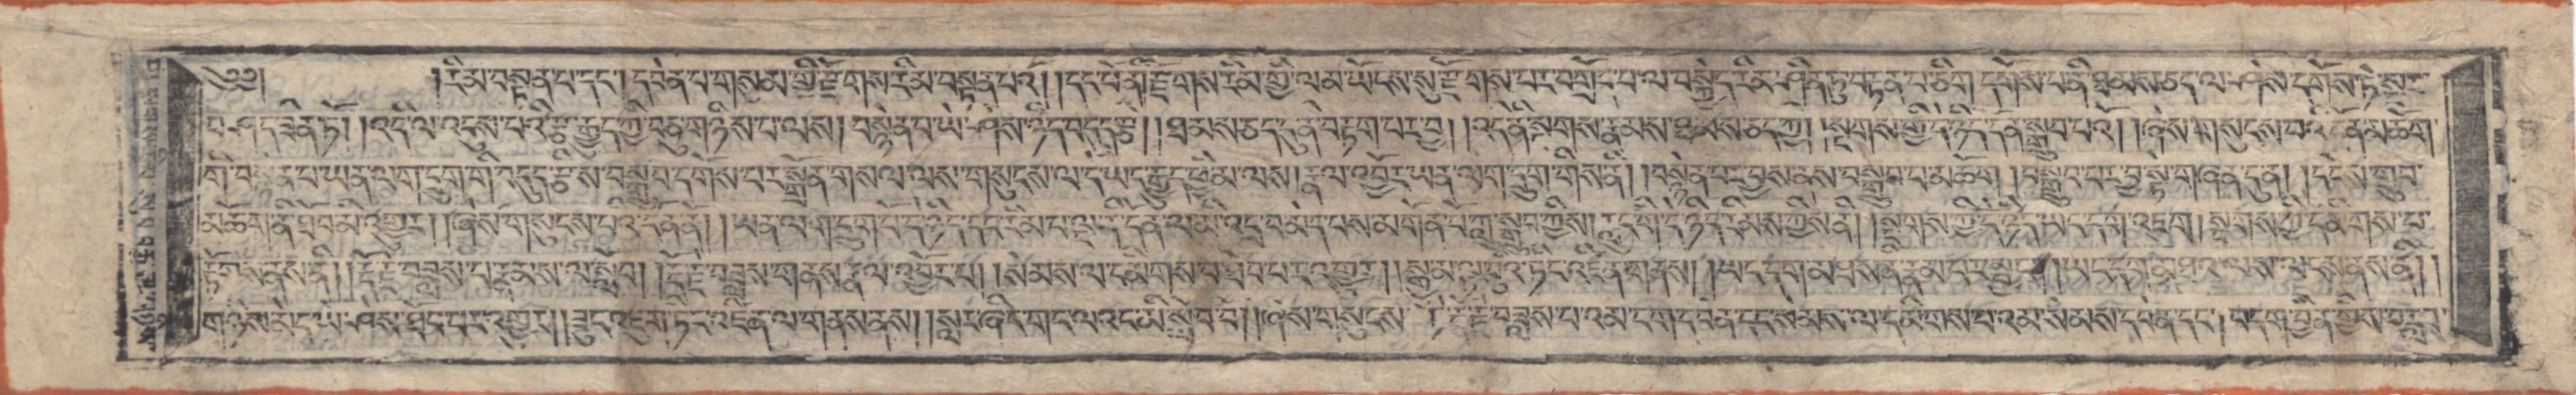༄༅། །རིམ་བསྟན་པ་དང་། དབེན་པ་གསུམ་གྱི་རྫོགས་རིམ་བསྟན་པའོ། །དང་པོ་ནི། རྫོགས་རིམ་གྱི་ལམ་ཡོངས་སུ་རྫོགས་པར་འགྲོད་པ་ལ་བསྐྱེད་རིམ་ཤིན་ཏུ་བརྟན་པ་ཅིག་དགོས་པ་ནི་ཐམས་ཅད་ལ་ཤེས་དགོས་ཏེ་སྔར་
བཤད་ཟིན་ཏོ། །འདི་ལ་འདུས་པའི་རྩ་རྒྱུད་ཀྱི་བཅུ་གཉིས་པ་ལས། བསྙེན་པ་ཡེ་ཤེས་ཉིད་བདུད་རྩི། །ཐམས་ཅད་དུ་ནི་བརྟག་པར་བྱ། །འདི་ནི་སྔགས་རྣམས་ཐམས་ཅད་ཀྱི། །སྔགས་ཀྱི་དེ་ཉིད་དོན་སྒྲུབ་པའོ། །ཞེས་གསུང་སྤའི་དོན་མཆོག་
གི་བསྙེན་པ་ཡན་ལག་དྲུག་གི་བདུད་རྩིས་བསྒྲུབ་དགོས་པར་སྒྲོན་གསལ་ལས་གསུངས་ལ་དེ་ཡང་རྒྱུད་ཕྱི་མ་ལས། རྣལ་འབྱོར་ཡན་ལག་དྲུག་གིས་ནི། །བསྙེན་པར་བྱས་ནས་བསྒྲུབ་པ་མཆོག །བསྒྲུབ་པར་བྱ་སྟེ་གཞན་དུ་ན། །དངོས་གྲུབ་
མཆོག་ནི་ཐོབ་མི་འགྱུར། །ཞེས་གསུངས་པའི་དོན་ནོ། །ཡན་ལག་དྲུག་པོ་དེ་ཉིད་དང་རིམ་པ་ལྔ་ནི་དོན་ལ་མི་འདྲ་བ་མེད་པས་མགོན་པོ་ཀླུ་སྒྲུབ་ཀྱིས། རླུང་གི་དེ་ཉིད་རིམས་ཀྱིས་ནི། །སྔགས་ཀྱི་དེ་ཉིད་ཡང་དག་འཇུག །སྔགས་ཀྱི་དམིགས་པ་
རྟོགས་ནས་ནི། །རྡོ་རྗེ་བཟླས་པ་རྣམས་ལ་སློབ། །རྡོ་རྗེ་བཟླས་གནས་རྣལ་འབྱོར་པ། །སེམས་ལ་དམིག་སྤ་ཐོབ་པར་འགྱུར། །སྒྱུ་མ་ལྟ་བུའི་ཏིང་འཛིན་གནས། །ཡང་དག་མཐས་ནི་རྣམ་པར་སྦྱང་། །ཡང་དག་མཐའ་ལས་ལངས་ནས་ནི། །
གཉིས་མེད་ཡེ་ཤེས་ཐོབ་པར་འགྱུར། །ཟུང་འཇུག་ཏིང་འཛིན་ལ་གནས་ནས། །སླར་ཞིང་གང་ལའང་མི་སློབ་བོ། །ཞེས་གསུངས་ཏེ་རྡོ་རྗེ་བཟླས་པ་འམ་ངག་དབེན་དང་སེམས་ལ་དམིགས་པ་འམ་སེམས་དབེན་དང་། བདག་བྱིན་གྱིས་བརླབ་